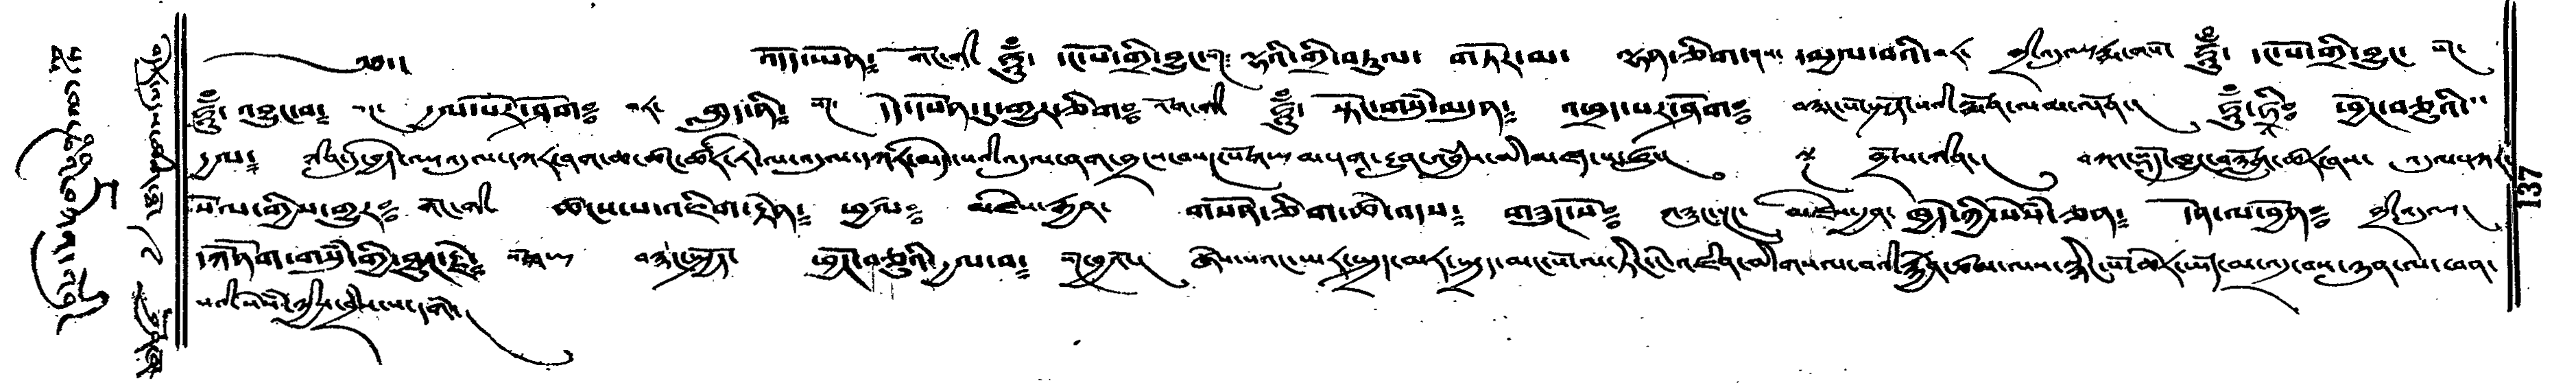འདོད་ཡོན༴ གོང་གི ཧཱུྃ༔ དང་པོ་གྲི་བྱུང་སོགས༴ ལྷའི་གྲི་འདུལ། གཏོར་མ། ལྷན་ཅིག་ནས། དམྱལ་བའི་བར། གྲི་དུག་རྨ་གསོ། ཧཱུྃ༔ དང་པོ་གྲི་བྱུང༴ སོགས། 
ཧཱུྃ༔ འབྱུང་བ༴ སོགས། རྒྱལ་པོར་ཤོག༔ བར། གླུད་ནི༴ སོགས། དེད་དཔོན་དུ་གྱུར་ཅིག༔ འོག་གི ཧཱུྃ༔ སྟོང་གསུམ་མདུན༴ འཕྲད་པར་ཤོག༔ བཟང་པོ་སྤྱོད་པའི་སྨོན་ལམ་འདོན། ཧཱུྃ་ཧྲཱི༔ ཕྱོགས་བཅུའི་
རྒྱལ༴ ཉིན་དུ་བྱེད་ཀྱང་འདུལ་དཀར་ནག་ཆ་ཚང་ཚར་རེ་ལ་འདུལ་དཀར་མེད་པའི་འདུལ་ནག་གྲངས་གསོག་སོགས་མ་དག་རྒྱུན་འབྱམས་མི་མཛད་པར་ཞུ། གྲོལ་ཉིན། བཀའ་སྡོད་ཁྱུང་ཟློག་ཚར་ནས། འདུལ་དཀར ། 
སོལ་གྱིས་གྱུར༔ གོང་གི ཚངས་པ་འཇིག་རྟེན༴ ཕྱག་འཚལ༔ མཛེས་རྒྱན། གསོན་ཅིག་ཚེ་འདས༴ གཟུགས་སོ༔ གཟུང་སྔགས། མཛེས་རྒྱན། ཁྱོད་ཀྱི་སེམས་ཅན༴ དོན་ལ་བྱོན༔ གྲིའདུལ། 
དཀོན་མཆོག་གསུམ་གྱི་ཐུགས་རྗེ༴ སོགས། བཟང་སྤྱོད། ཕྱོགས་བཅུའི་རྒྱལ་བ། སོགས་བྱའོ།། ཞེས་པའང་ཡར་སྤྲད་མར་སྤྲད་མང་པོ་ལ་ཏིང་ངེ་འཛིན་མི་གསལ་བའི་རྐྱེན་ཙམ་ལས་སྙིང་པོ་ཆེར་མེད་སྟབས་ཀུན་ལ་ཕན་
པའི་སེམས་ཀྱིས་བྲིས་པ་དགེ།།། མངྒ་ལཾ།།